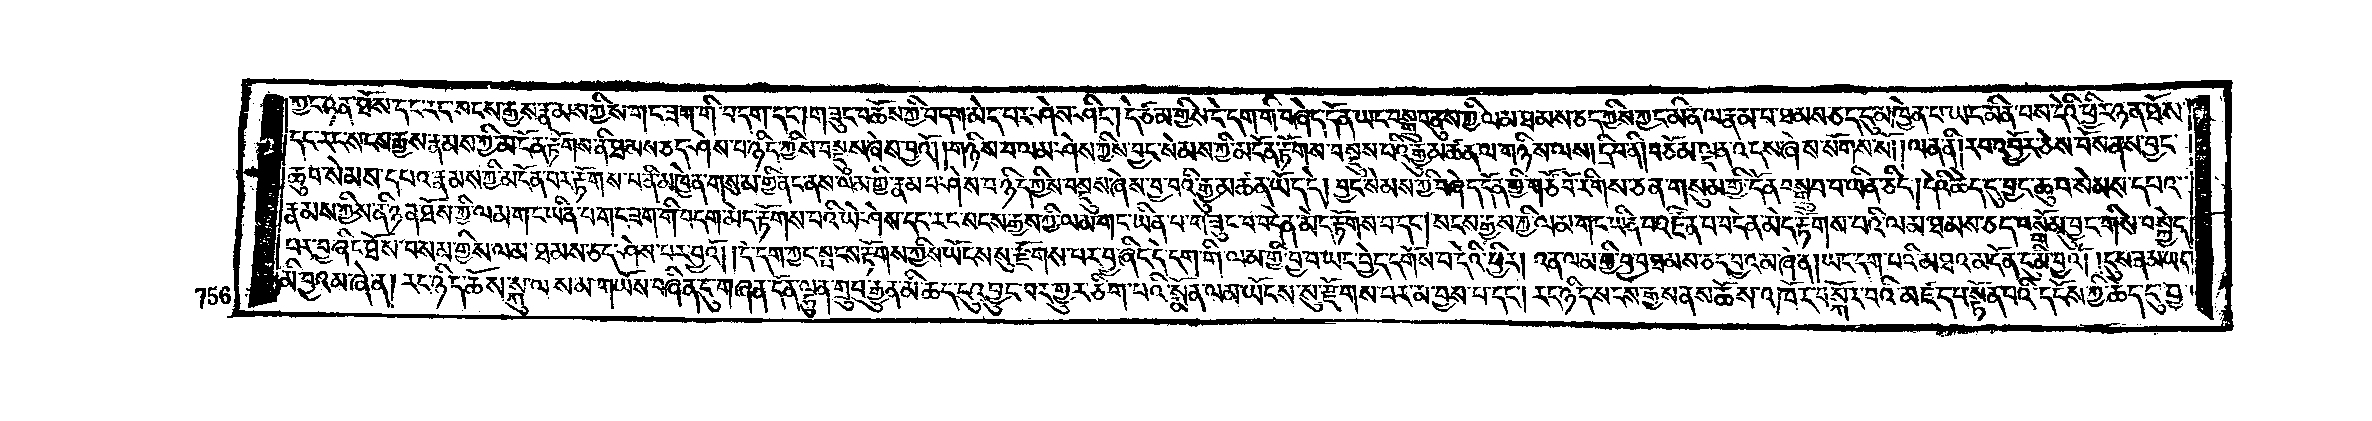ཀྱང་ཉན་ཐོས་དང་རང་སངས་རྒྱས་རྣམས་ཀྱིས་གང་ཟག་གི་བདག་དང་། གཟུང་བ་ཆོས་ཀྱི་བདག་མེད་པར་ཤེས་ཤིང་། དེ་ཙམ་གྱིས་དེ་དག་གི་བཞེད་དོན་ཡང་བསྒྲུབ་ནུས་ཀྱི་ལམ་ཐམས་ཅད་ཀྱིས་ཀྱང་མིན་ལ་རྣམ་པ་ཐམས་ཅད་དུ་མཁྱེན་པ་ཡང་མིན་པས་དེའི་ཕྱིར་ཉན་ཐོས་
དང་རང་སངས་རྒྱས་རྣམས་ཀྱི་མངོན་རྟོགས་ནི་ཐམས་ཅད་ཤེས་པ་ཉིད་ཀྱིས་བསྡུས་ཞེས་བྱའོ། །གཉིས་པ་ལམ་ཤེས་ཀྱིས་བྱང་སེམས་ཀྱི་མངོན་རྟོགས་བསྡུས་པའི་རྒྱུ་མཚན་ལ་གཉིས་ལས། དྲི་བ་ནི། བཅོམ་ལྡན་འདས་ཞེས་སོགས་སོ། །ལན་ནི། རབ་འབྱོར་ཅེས་བོས་ནས་བྱང་
ཆུབ་སེམས་དཔའ་རྣམས་ཀྱི་མངོན་པར་རྟོགས་པ་ནི་མཁྱེན་གསུམ་གྱི་ནང་ནས་ལམ་གྱི་རྣམ་པ་ཤེས་པ་ཉིད་ཀྱིས་བསྡུས་ཞེས་བྱ་བའི་རྒྱུ་མཚན་ཡོད་དེ། བྱང་སེམས་ཀྱི་བཞེད་དོན་གྱི་གཙོ་བོ་རིགས་ཅན་གསུམ་གྱི་དོན་བསྒྲུབ་པ་ཡིན་ཅིང་། དེའི་ཆེད་དུ་བྱང་ཆུབ་སེམས་དཔའ་
རྣམས་ཀྱིས་ནི་ཉན་ཐོས་ཀྱི་ལམ་གང་ཡིན་པ་གང་ཟག་གི་བདག་མེད་རྟོགས་པའི་ཡེ་ཤེས་དང་རང་སངས་རྒྱས་ཀྱི་ལམ་གང་ཡིན་པ་གཟུང་བ་བདེན་མེད་རྟོགས་པ་དང་། སངས་རྒྱས་ཀྱི་ལམ་གང་ཡིན་པ་འཛིན་པ་བདེན་མེད་རྟོགས་པའི་ལམ་ཐམས་ཅད་བསྒོམ་བྱུང་གིས་བསྐྱེད་
པར་བྱ་ཞིང་ཐོས་བསམ་གྱིས་ལམ་ཐམས་ཅད་ཤེས་པར་བྱའོ། །དེ་དག་ཀྱང་སྤངས་རྟོགས་ཀྱིས་ཡོངས་སུ་རྫོགས་པར་བྱ་ཞིང་དེ་དག་གི་ལམ་གྱི་བྱ་བ་ཡང་བྱེད་དགོས་པ་དེའི་ཕྱིར། འོ་ན་ལམ་གྱི་བྱ་བ་ཐམས་ཅད་བྱ་འམ་ཞེ་ན། ཡང་དག་པའི་མཐའ་མངོན་དུ་མི་བྱའོ། །དུས་ནམ་ཡང་
མི་བྱའམ་ཞེ་ན། རང་ཉིད་ཆོས་སྐུ་ལས་མ་གཡོས་བཞིན་དུ་གཞན་དོན་ལྷུན་གྲུབ་རྒྱུན་མི་ཆད་དུ་འབྱུང་བར་གྱུར་ཅིག་པའི་སྨོན་ལམ་ཡོངས་སུ་རྫོགས་པར་མ་བྱས་པ་དང་། རང་ཉིད་སངས་རྒྱས་ནས་ཆོས་འཁོར་བསྐོར་བའི་མཛད་པ་སྟོན་པའི་དངོས་ཀྱི་ཆེད་དུ་བྱ་